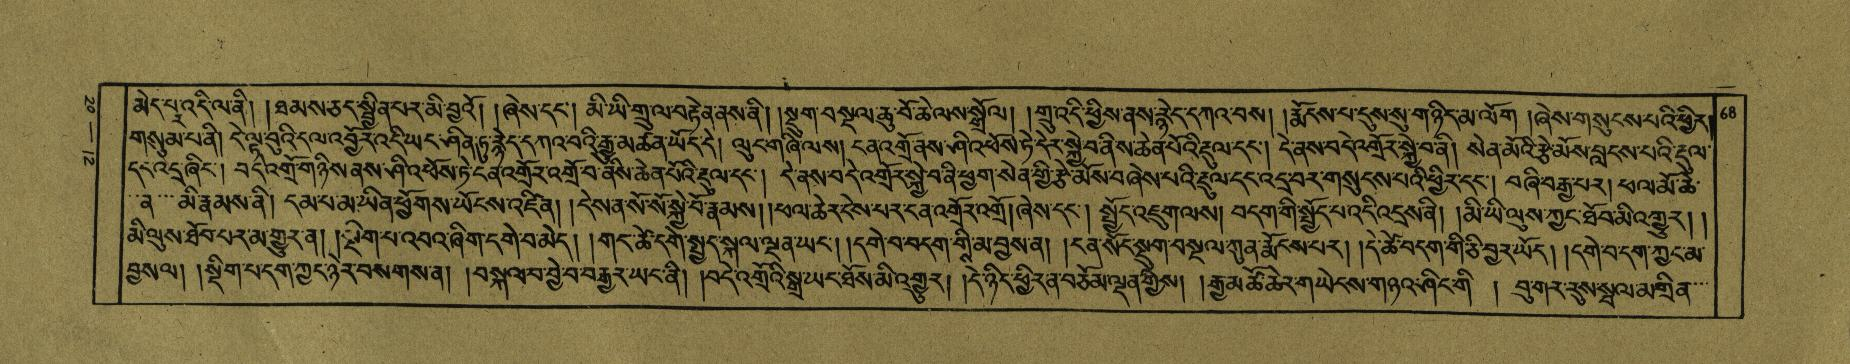མེད་པར་འདི་ལ་ནི། །ཐམས་ཅད་སྦྱིན་པར་མི་བྱའོ། །ཞེས་དང་། མི་ཡི་གྲུ་ལ་བརྟེན་ནས་ནི། །སྡུག་བསྔལ་ཆུ་བོ་ཆེ་ལས་སྒྲོལ། །གྲུ་འདི་ཕྱིས་ནས་རྙེད་དཀའ་བས། །རྨོངས་པ་དུས་སུ་གཉིད་མ་ལོག །ཞེས་གསུངས་པའི་ཕྱིར།
གསུམ་པ་ནི། དེ་ལྟ་བུའི་དལ་འབྱོར་འདི་ཡང་ཤིན་ཏུ་རྙེད་དཀའ་བའི་རྒྱུ་མཚན་ཡོད་དེ། ལུང་གཞི་ལས། ངན་འགྲོ་ནས་ཤི་འཕོས་ཏེ་དེར་སྐྱེ་བ་ནི་ས་ཆེན་པོའི་རྡུལ་དང་། དེ་ནས་བདེ་འགྲོར་སྐྱེ་བ་ནི། སེན་མོའི་རྩེ་མོས་བླངས་པའི་རྡུལ་
དང་འདྲ་ཞིང་། བདེ་འགྲོ་གཉིས་ནས་ཤི་འཕོས་ཏེ་ངན་འགྲོར་འགྲོ་བ་ནིས་ཆེན་པོའི་རྡུལ་དང་། དེ་ནས་བདེ་འགྲོར་སྐྱེ་བ་ནི་ཕྱག་སེན་གྱི་རྩེ་མོས་བཞེས་པའི་རྡུལ་དང་འདྲ་བར་གསུངས་པའི་ཕྱིར་དང་། བཞི་བརྒྱ་པར། ཕལ་མོ་ཆེ་
ན་མི་རྣམས་ནི། དམ་པ་མ་ཡིན་ཕྱོགས་ཡོངས་འཛིན། །དེས་ན་སོ་སོ་སྐྱེ་བོ་རྣམས། །ཕལ་ཆེར་ངེས་པར་ངན་འགྲོར་འགྲོ། ཞེས་དང་། སྤྱོད་འཇུག་ལས། བདག་གི་སྤྱོད་པ་འདི་འདྲས་ནི། །མི་ཡི་ལུས་ཀྱང་ཐོབ་མི་འགྱུར། །
མི་ལུས་ཐོབ་པར་མ་གྱུར་ན། །སྡིག་པ་འབའ་ཞིག་དགེ་བ་མེད། །གང་ཚེ་དགེ་སྤྱད་སྐལ་ལྡན་ཡང་། །དགེ་བ་བདག་གིས་མ་བྱས་ན། །ངན་སོང་སྡུག་བསྔལ་ཀུན་རྨོངས་པར། །དེ་ཚེ་བདག་གི་ཅི་བྱར་ཡོད། །དགེ་བ་དག་ཀྱང་མ་
བྱས་ལ། །སྡིག་པ་དག་ཀྱང་ཉེར་བསགས་ན། །བསྐལ་བ་བྱེ་བ་བརྒྱར་ཡང་ནི། །བདེ་འགྲོའི་སྒྲ་ཡང་ཐོས་མི་འགྱུར། །དེ་ཉིད་ཕྱིར་ན་བཅོམ་ལྡན་གྱིས། །རྒྱ་མཚོ་ཆེར་གཡེངས་གཉའ་ཤིང་གི །བུ་གར་རུས་སྤལ་མགྲིན་